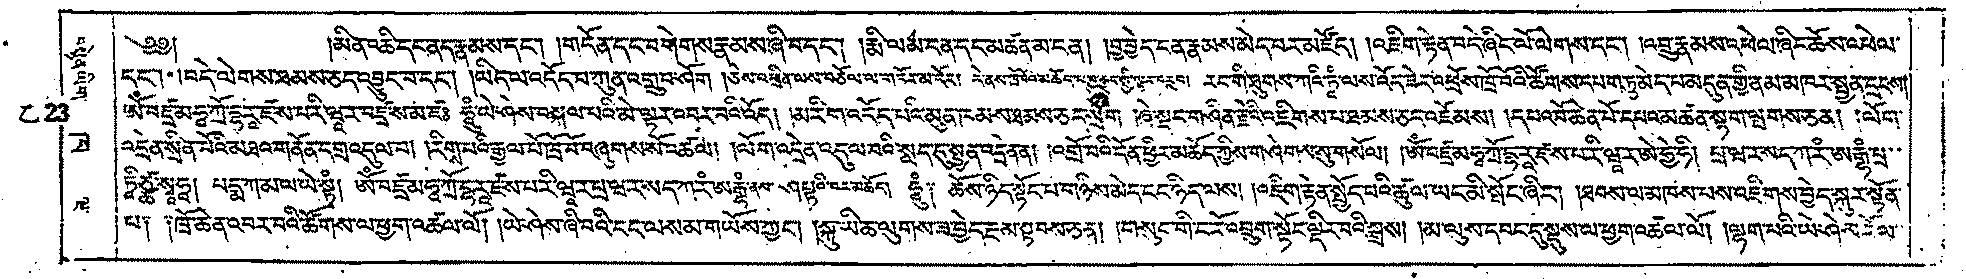༄༅། །མིན་འཆི་དང་ནད་རྣམས་དང་། །གདོན་དང་བགེགས་རྣམས་ཞི་བ་དང་། །རྨི་ལམ་ངན་དང་མཚན་མ་ངན། །བྱ་བྱེད་ངན་རྣམས་མེད་པར་མཛོད། །འཇིག་རྟེན་བདེ་ཞིང་ལོ་ལེགས་དང་། །འབྲུ་རྣམས་འཕེལ་ཞིང་ཆོས་འཕེལ་
དང་། །བདེ་ལེགས་ཐམས་ཅད་འབྱུང་བ་དང་། །ཡིད་ལ་འདོད་པ་ཀུན་འགྲུབ་ཤོག་།ཅེས་འཕྲིན་ལས་བཅོལ་ལ་གཏོར་མ་དོར། དེ་ནས་ཁྲོ་བོའི་མཆོད་པ་བྱ་རྒྱུད་སྤྱི་ལྟར་བརླབ།  རང་གི་ཐུགས་ཀའི་ཏཱཾ་ལས་འོད་ཟེར་འཕྲོས་ཁྲོ་བོའི་ཚོགས་དཔག་ཏུ་མེད་པ་མདུན་གྱི་ནམ་མཁར་སྤྱན་དྲངས།
ཨོཾ་བཛྲ་མཧཱ་ཀྲོ་དྷ་རཱ་ཛ་ས་པ་རི་ཝཱ་ར་བཛྲ་ས་མ་ཛཿ ཧཱུཾ་ཡེ་ཤེས་བསྐལ་པའི་མེ་ལྟར་འབར་བའི་འོད། །མ་རིག་འདོད་པའི་མུན་ཁམས་ཐམས་ཅད་སྲེག །ཞེ་སྡང་གཤིན་རྗེའི་འཇིགས་པ་ཐམས་ཅད་འཇོམས། །དཔའ་བོ་ཆེན་པོ་དཔའ་མཚན་སྟག་ལྤགས་ཅན། །ལོག་
འདྲེན་སྲིན་པོའི་མཐའ་གནོན་དགྲ་འདུལ་བ། །རིགས་པའི་རྒྱལ་པོ་ཁྲོ་བོ་བཞུགས་སོ་འཚལ། །ལོག་འདྲེན་འདུལ་བའི་སླད་དུ་སྤྱན་འདྲེན་ན། །འགྲོ་བའི་དོན་ཕྱིར་མཆོད་ཀྱིས་གཤེགས་སུ་གསོལ། །ཨོཾ་བཛྲ་མཧཱ་ཀྲོ་དྷ་རཱ་ཛ་ས་པ་རི་ཝཱ་ར་ཨེ་ཧྱེ་ཧི། པྲ་ཝ་ར་སད་ཀ་རཾ་ཨརྒྷཾ་པྲ་་་
ཏཱི་ཙྪ་སྭཱ། པདམ་ཀ་མ་ལ་ཡེ་སྟཾ། ཨོཾ་བཛྲ་མཧཱ་ཀྲོ་དྷ་རཱ་ཛ་ས་པ་རི་ཝཱ་ར་པྲ་ཝ་ར་སད་ཀ་རཾ་ཨརྒྷཾ་ནས་ཤཔྟའི་བར་མཆོད་ཧཱུཾ༑  ཆོས་ཉིད་སྟོང་པ་གཉིས་མེད་ངང་ཉིད་ལས། །འཇིག་རྟེན་སྤྱོད་པའི་ཚུལ་ཡང་མི་སྤོང་ཞིང་། །ཐམས་ལ་མཁས་པས་འཇིགས་བྱེད་སྐུར་སྟོན་
པ༑ ༑ཁྲོ་ཆེན་འབར་བའི་ཚོགས་ལ་ཕྱག་འཚལ་ལོ། །ཡེ་ཤེས་ཞི་བའི་ངང་ལས་མ་གཡོས་ཀྱང་། །སྐུ་ཡི་ཆ་ལུགས་ཟ་བྱེད་རྔམ་སྟབས་ཅན། །གསུང་གི་ང་རོ་འབྲུག་སྟོང་ལྡིར་བའི་སྒྲས། །མ་ལུས་དབང་དུ་སྡུས་ལ་ཕྱག་འཚལ་ལོ། །ལྷག་པའི་ཡེ་ཤེས་རོལ་་་